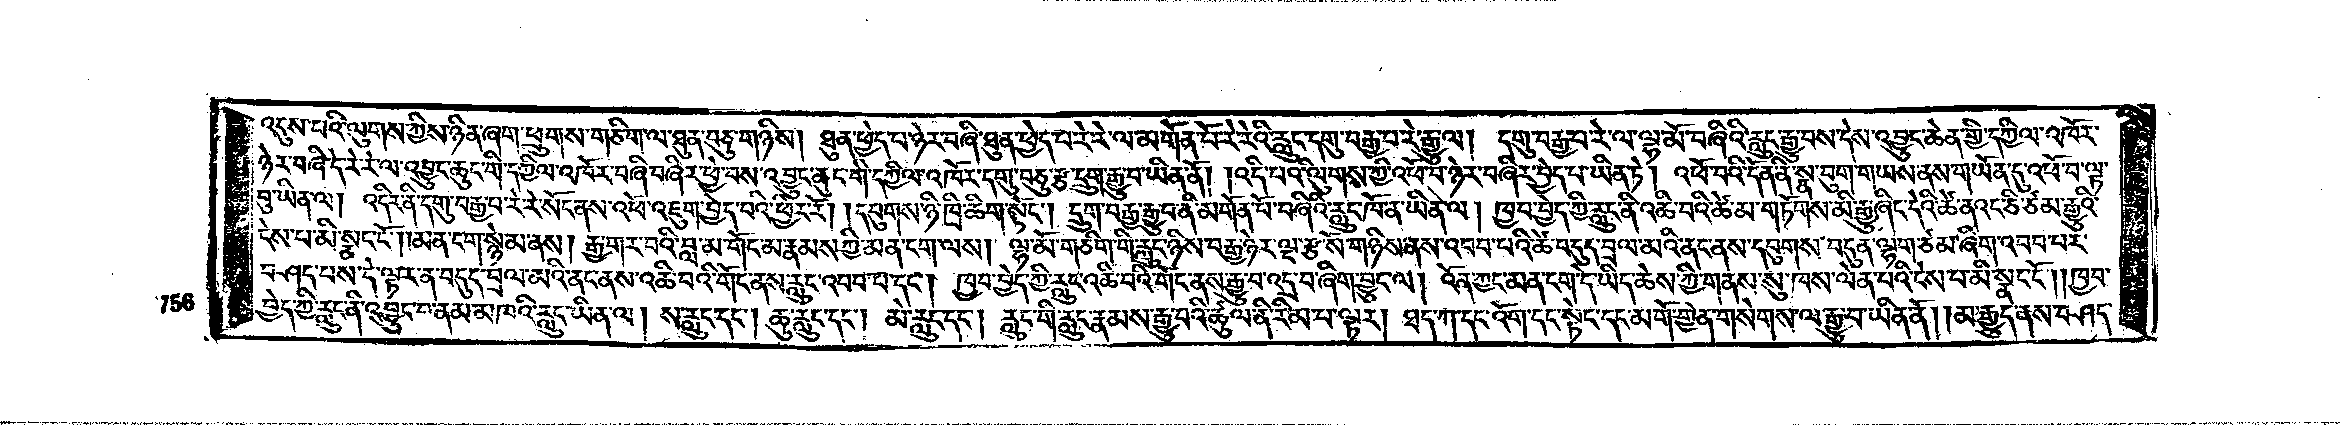འདུས་པའི་ལུགས་ཀྱིས་ཉིན་ཞག་ཕྲུགས་གཅིག་ལ་ཐུན་བཅུ་གཉིས། ཐུན་ཕྱེད་པ་ཉེར་བཞི་ཐུན་ཕྱེད་པ་རེ་རེ་ལ་མགོན་པོ་རེ་རེའི་རླུང་དགུ་བརྒྱ་པ་རེ་རྒྱུ་ལ། དགུ་བརྒྱ་པ་རེ་ལ་ལྷ་མོ་བཞིའི་རླུང་རྒྱུ་བས་དེས་འབྱུང་ཆེན་གྱི་དཀྱིལ་འཁོར་
ཉེར་བཞི་དེ་རེ་རེ་ལ་འབྱུང་ཆུང་གི་དཀྱིལ་འཁོར་བཞི་བཞིར་ཕྱེ་བས་འབྱུང་ཆུང་གི་དཀྱིལ་འཁོར་དགུ་བཅུ་རྩ་དྲུག་རྒྱུ་བ་ཡིན་ནོ། །འདི་པའི་ལུགས་ཀྱི་འཕོ་བ་ཉེར་བཞིར་བྱེད་པ་ཡིན་ཏེ། འཕོ་བའི་དོན་ནི་སྣ་བུག་གཡས་ནས་གཡོན་དུ་འཕོ་བ་ལྟ་
བུ་ཡིན་ལ། འདིར་ནི་དགུ་བརྒྱ་པ་རེ་རེ་སོང་ནས་འཕོ་འཇུག་བྱེད་པའི་ཕྱིར་རོ། །དབུགས་ཉི་ཁྲི་ཆིག་སྟོང་། དྲུག་བརྒྱ་རྒྱུ་བ་ནི་མགོན་པོ་བཞིའི་རླུང་ཁོ་ན་ཡིན་ལ། ཁྱབ་བྱེད་ཀྱི་རླུང་ནི་འཆི་བའི་ཚེ་མ་གཏོགས་མི་རྒྱུ་ཞིང་དེའི་ཚེ་ནའང་ཅི་ཙམ་རྒྱུའི་
ངེས་པ་མི་སྣང་ངོ། །མན་ངག་སྙེ་མ་ནས། རྒྱ་གར་བའི་བླ་མ་གོང་མ་རྣམས་ཀྱི་མན་ངག་ལས། ལྷ་མོ་གཅིག་གི་རླུང་ཉིས་བརྒྱ་ཉེར་ལྔ་རྩ་སོ་གཉིས་ནས་འབབ་པའི་ཚེ་བདུད་བྲལ་མའི་ནང་ནས་དབུགས་བདུན་ལྷག་ཙམ་ཞིག་འབབ་པར་
བཤད་པས་དེ་ལྟར་ན་བདུད་བྲལ་མའི་ནང་ནས་འཆི་བའི་གོང་ནས་རླུང་འབབ་པ་དང་། ཁྱབ་བྱེད་ཀྱི་རླུང་འཆི་བའི་གོང་ནས་རྒྱུ་བ་འདྲ་བ་ཞིག་བྱུང་ལ། འོན་ཀྱང་མན་ངག་དེ་ཡིད་ཆེས་ཀྱི་གནས་སུ་ཁས་ལེན་པའི་ངེས་པ་མི་སྣང་ངོ། །ཁྱབ་
བྱེད་ཀྱི་རླུང་ནི་འབྱུང་བ་ནམ་མཁའི་རླུང་ཡིན་ལ། ས་རླུང་དང་། ཆུ་རླུང་དང་། མེ་རླུང་དང་། རླུང་གི་རླུང་རྣམས་རྒྱུ་བའི་ཚུལ་ནི་རིམ་པ་ལྟར། ཐད་ཀ་དང་འོག་དང་སྟེང་དང་མགོ་གྱེན་གསེགས་ལ་རྒྱུ་བ་ཡིན་ནོ། །མ་རྒྱུད་ནས་བཤད་